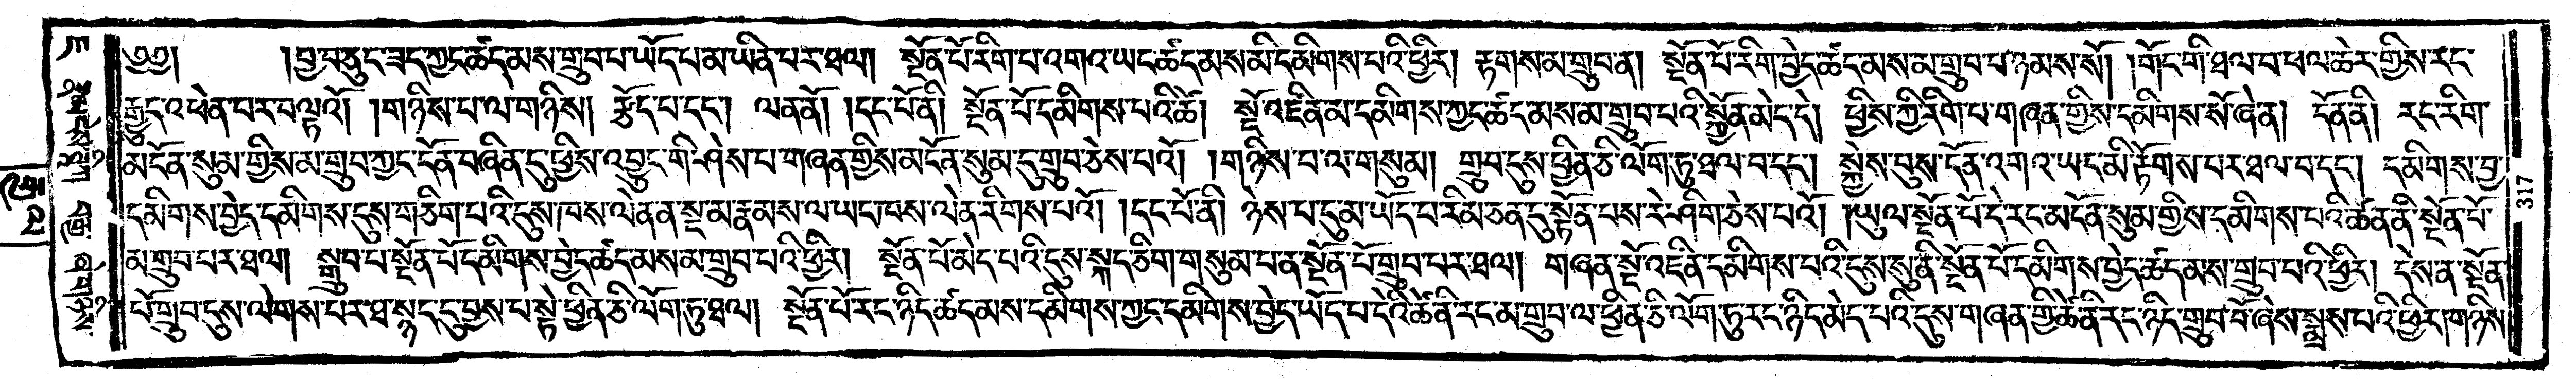༄༅། །བྱ་བ་ཅུང་ཟད་ཀྱང་ཚད་མས་གྲུབ་པ་ཡོད་པ་མ་ཡིན་པར་ཐལ། སྔོན་པོ་རིག་པ་འགའ་ཡང་ཚད་མས་མི་དམིགས་པའི་ཕྱིར། རྟགས་མ་གྲུབ་ན། སྔོན་པོ་རིག་བྱེད་ཚད་མས་མ་གྲུབ་པ་ཉམས་སོ། །གོང་གི་ཐལ་བ་ཕལ་ཆེར་གྱིས་རང་
རྒྱུད་འཕེན་པར་བལྟའོ། །གཉིས་པ་ལ་གཉིས། རྩོད་པ་དང་། ལན་ནོ། །དང་པོ་ནི། སྔོན་པོ་དམིགས་པའི་ཚེ། སྔོ་འཛིན་མ་དམིགས་ཀྱང་ཚད་མས་མ་གྲུབ་པའི་སྐྱོན་མེད་དེ། ཕྱིས་ཀྱི་རིག་པ་གཞན་གྱིས་དམིགས་སོ་ཞེ་ན། དོན་ནི། རང་རིག་
མངོན་སུམ་གྱིས་མ་གྲུབ་ཀྱང་དོན་བཞིན་དུ་ཕྱིས་འབྱུང་གི་ཤེས་པ་གཞན་གྱིས་མངོན་སུམ་དུ་གྲུབ་ཅེས་པའོ། །གཉིས་པ་ལ་གསུམ། གྲུབ་དུས་ཕྱིན་ཅི་ལོག་ཏུ་ཐལ་བ་དང་། སྐྱེས་བུས་དོན་འགའ་ཡང་མི་རྟོགས་པར་ཐལ་བ་དང་། དམིགས་བྱ་
དམིགས་བྱེད་དམིགས་དུས་གཅིག་པའི་དུས་ཁས་ལེན་ན་སྔ་མ་རྣམས་ལ་ཡང་ཁས་ལེན་རིགས་པའོ། །དང་པོ་ནི། ཉེས་པ་དུ་མ་ཡོད་པ་རིམ་ཅན་དུ་སྟོན་པས་རེ་ཤིག་ཅེས་པའོ། །ཡུལ་སྔོན་པོ་དེ་རང་མངོན་སུམ་གྱིས་དམིགས་པའི་ཚན་ནི་སྔོན་པོ་
མ་གྲུབ་པར་ཐལ། སྒྲུབ་པ་སྔོན་པོ་དམིགས་བྱེད་ཚད་མས་མ་གྲུབ་པའི་ཕྱིར། སྔོན་པོ་མེད་པའི་དུས་སྐད་ཅིག་གསུམ་པ་ན་སྔོན་པོ་གྲུབ་པར་ཐལ། གཞན་སྔོ་འཛིན་དམིགས་པའི་དུས་སུ་ནི་སྔོན་པོ་དམིགས་བྱེད་ཚད་མས་གྲུབ་པའི་ཕྱིར། དེས་ན་སྔོན་
པོ་གྲུབ་དུས་ལེགས་པར་ཐ་སྙད་དུ་བྱས་པ་སྟེ་ཕྱིན་ཅི་ལོག་ཏུ་ཐལ། སྔོན་པོ་རང་ཉིད་ཚད་མས་དམིགས་ཀྱང་དམིགས་བྱེད་ཡོད་པ་དེའི་ཚེ་ནི་རང་མ་གྲུབ་ལ་ཕྱིན་ཅི་ལོག་ཏུ་རང་ཉིད་མེད་པའི་དུས་གཞན་གྱི་ཚེ་ནི་རང་ཉིད་གྲུབ་བོ་ཞེས་སྨྲས་པའི་ཕྱིར། གཉིས་